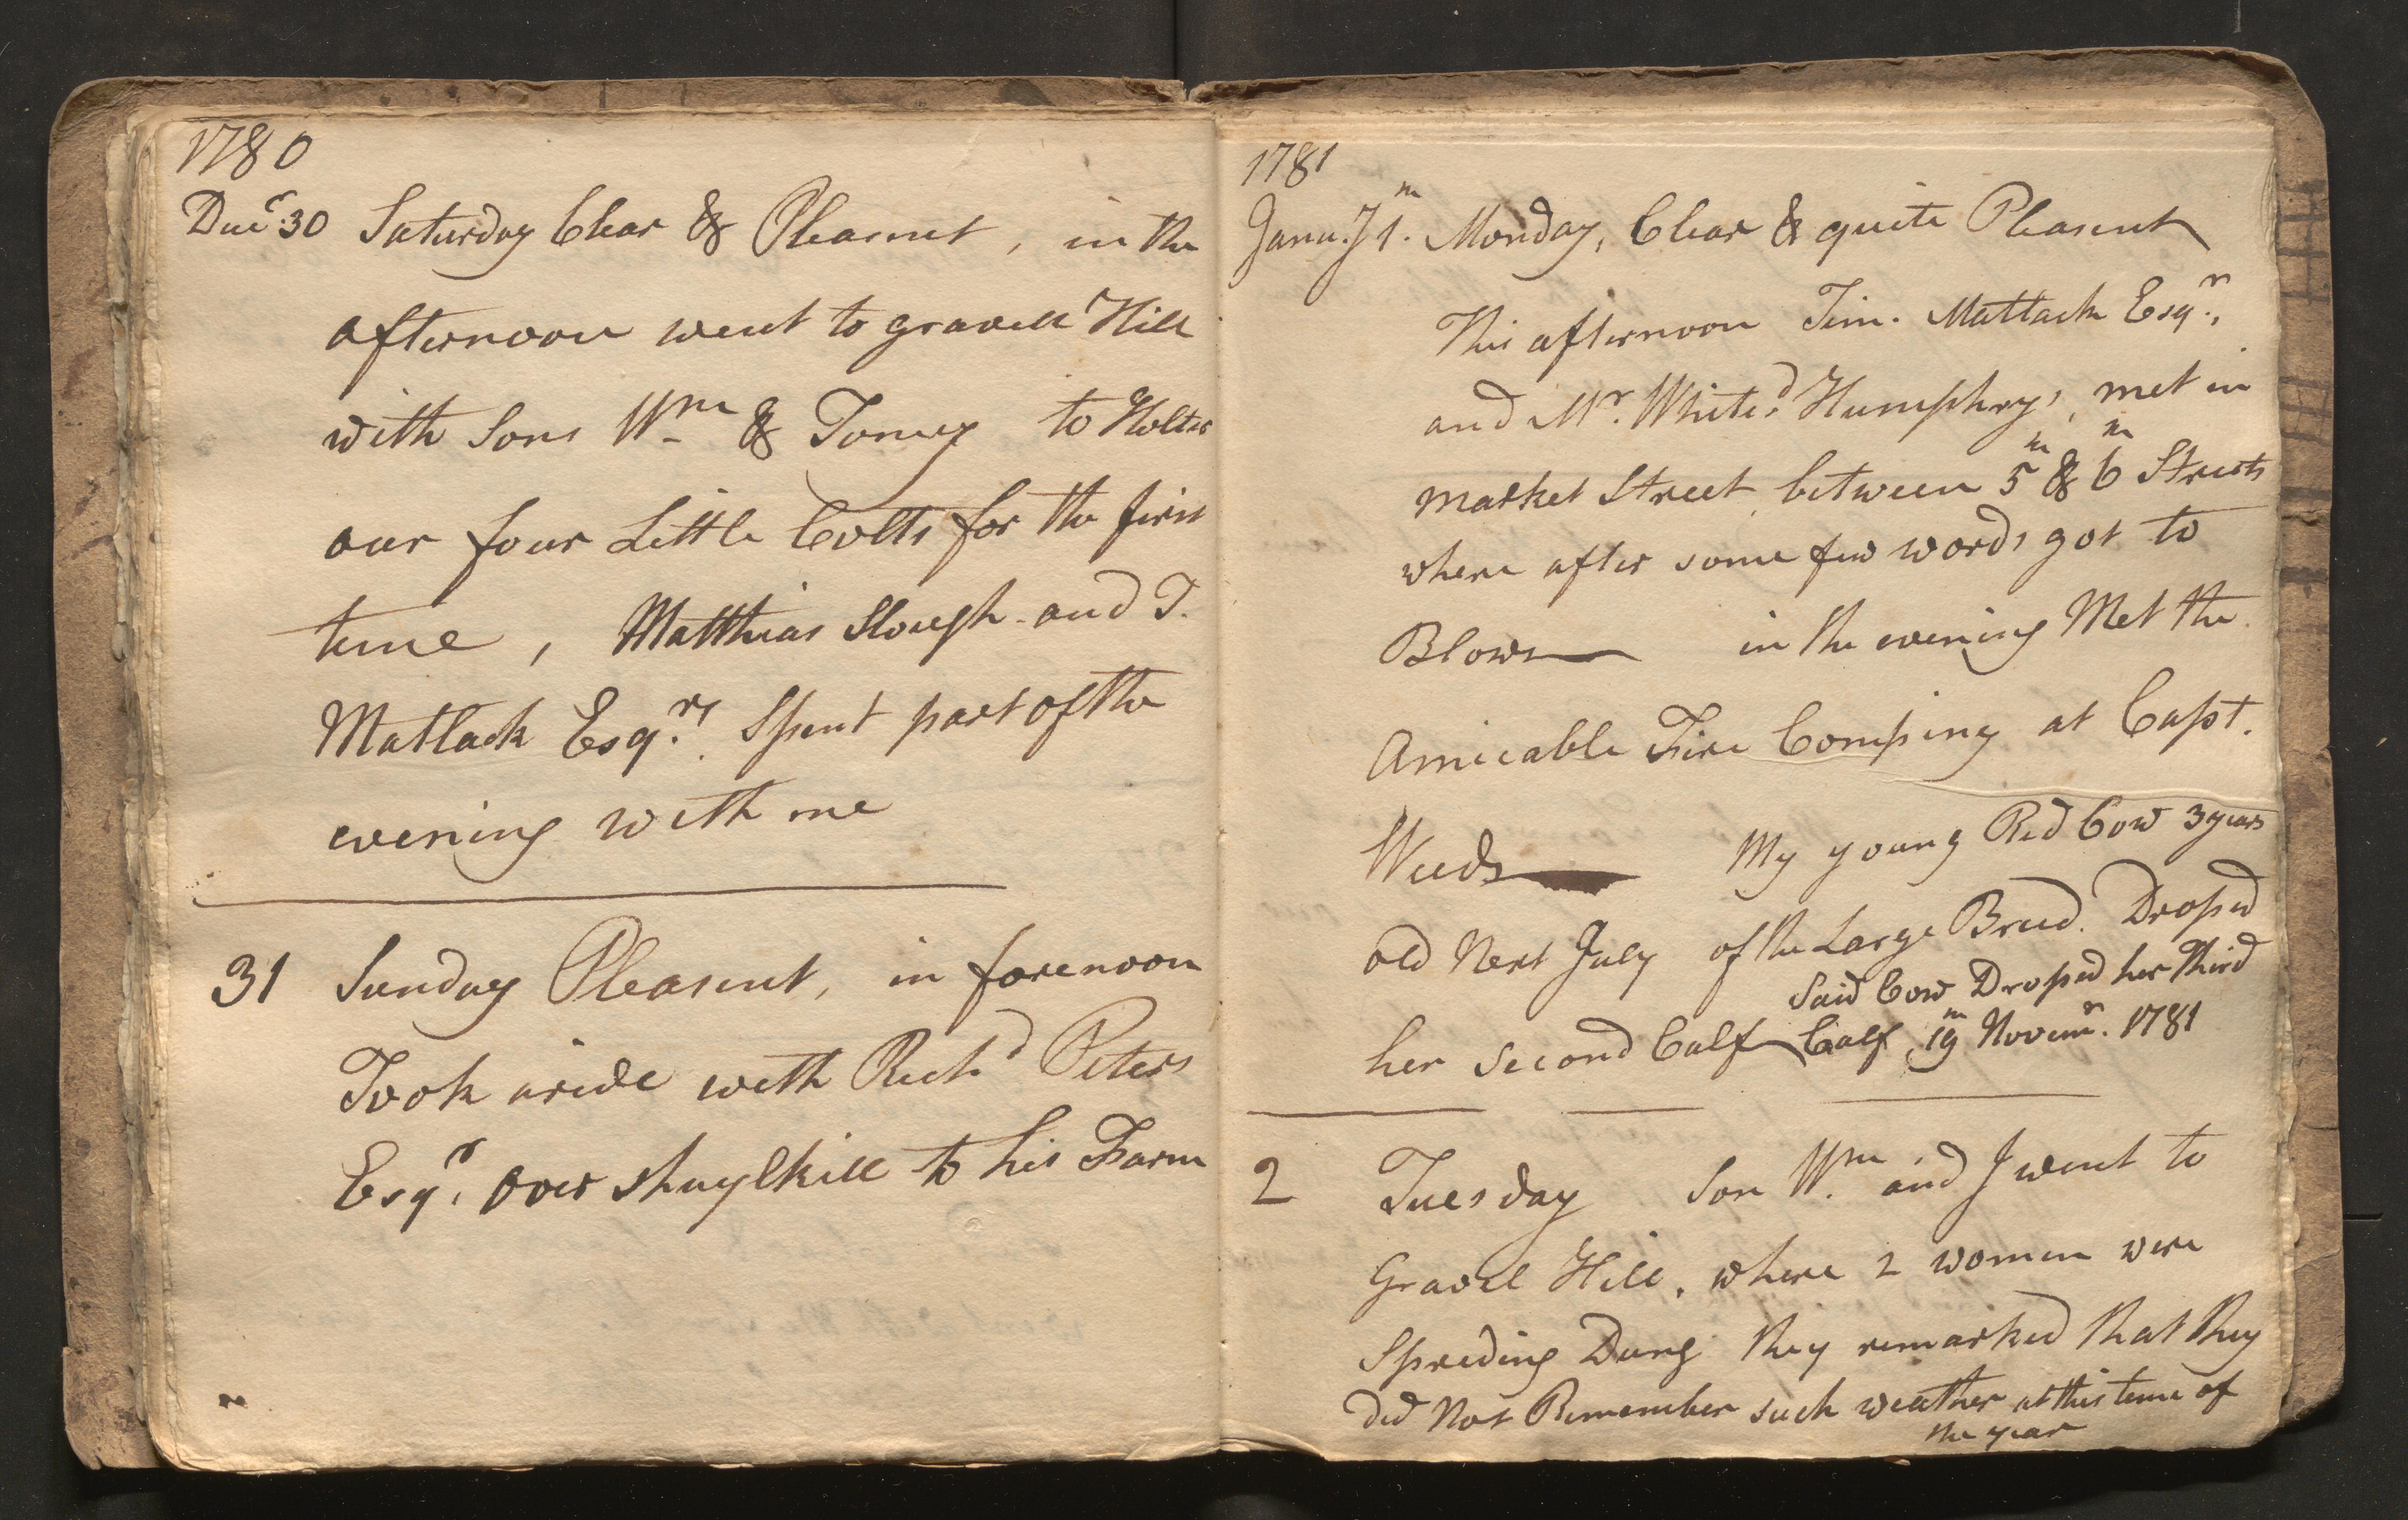1780
Dece^r. 30 Saturday Clear & Pleasent, in the
afternoon went to gravell Hill
with sons W^m. & Tomey to Holter
our four Little Colts for the first
Time, Matthias Slough and T.
Matlack Esq^r. Spent part of the
evening with me
31 Sunday Pleasent, in forenoon
Took a ride with Rich^d Peters
Esq^r. over shuylkill to his Farm
1781
Janu^y. 1^th. Monday, Clear & quite Pleasent
This afternoon Tim. Mattack Esq^r.
and M^r. White^d. Humphrys met in
market Street between 5^th & 6^th Streets
where after some few words got to
Blows- in the evening Met the
Amicable Fire Comping at Capt.
Weeds
young Rid Cow 3 years
old Next July of the Large Breed. Droped
Sai Cow Droped her Third
her second Calf Calf, 19^th Novem^r. 1781
2 Tuesday Son W^m. and I went to
Graoll Hill, where 2 women were
Spreding Dung. they remarked that they
did Not Remember such weather at this time of
the year